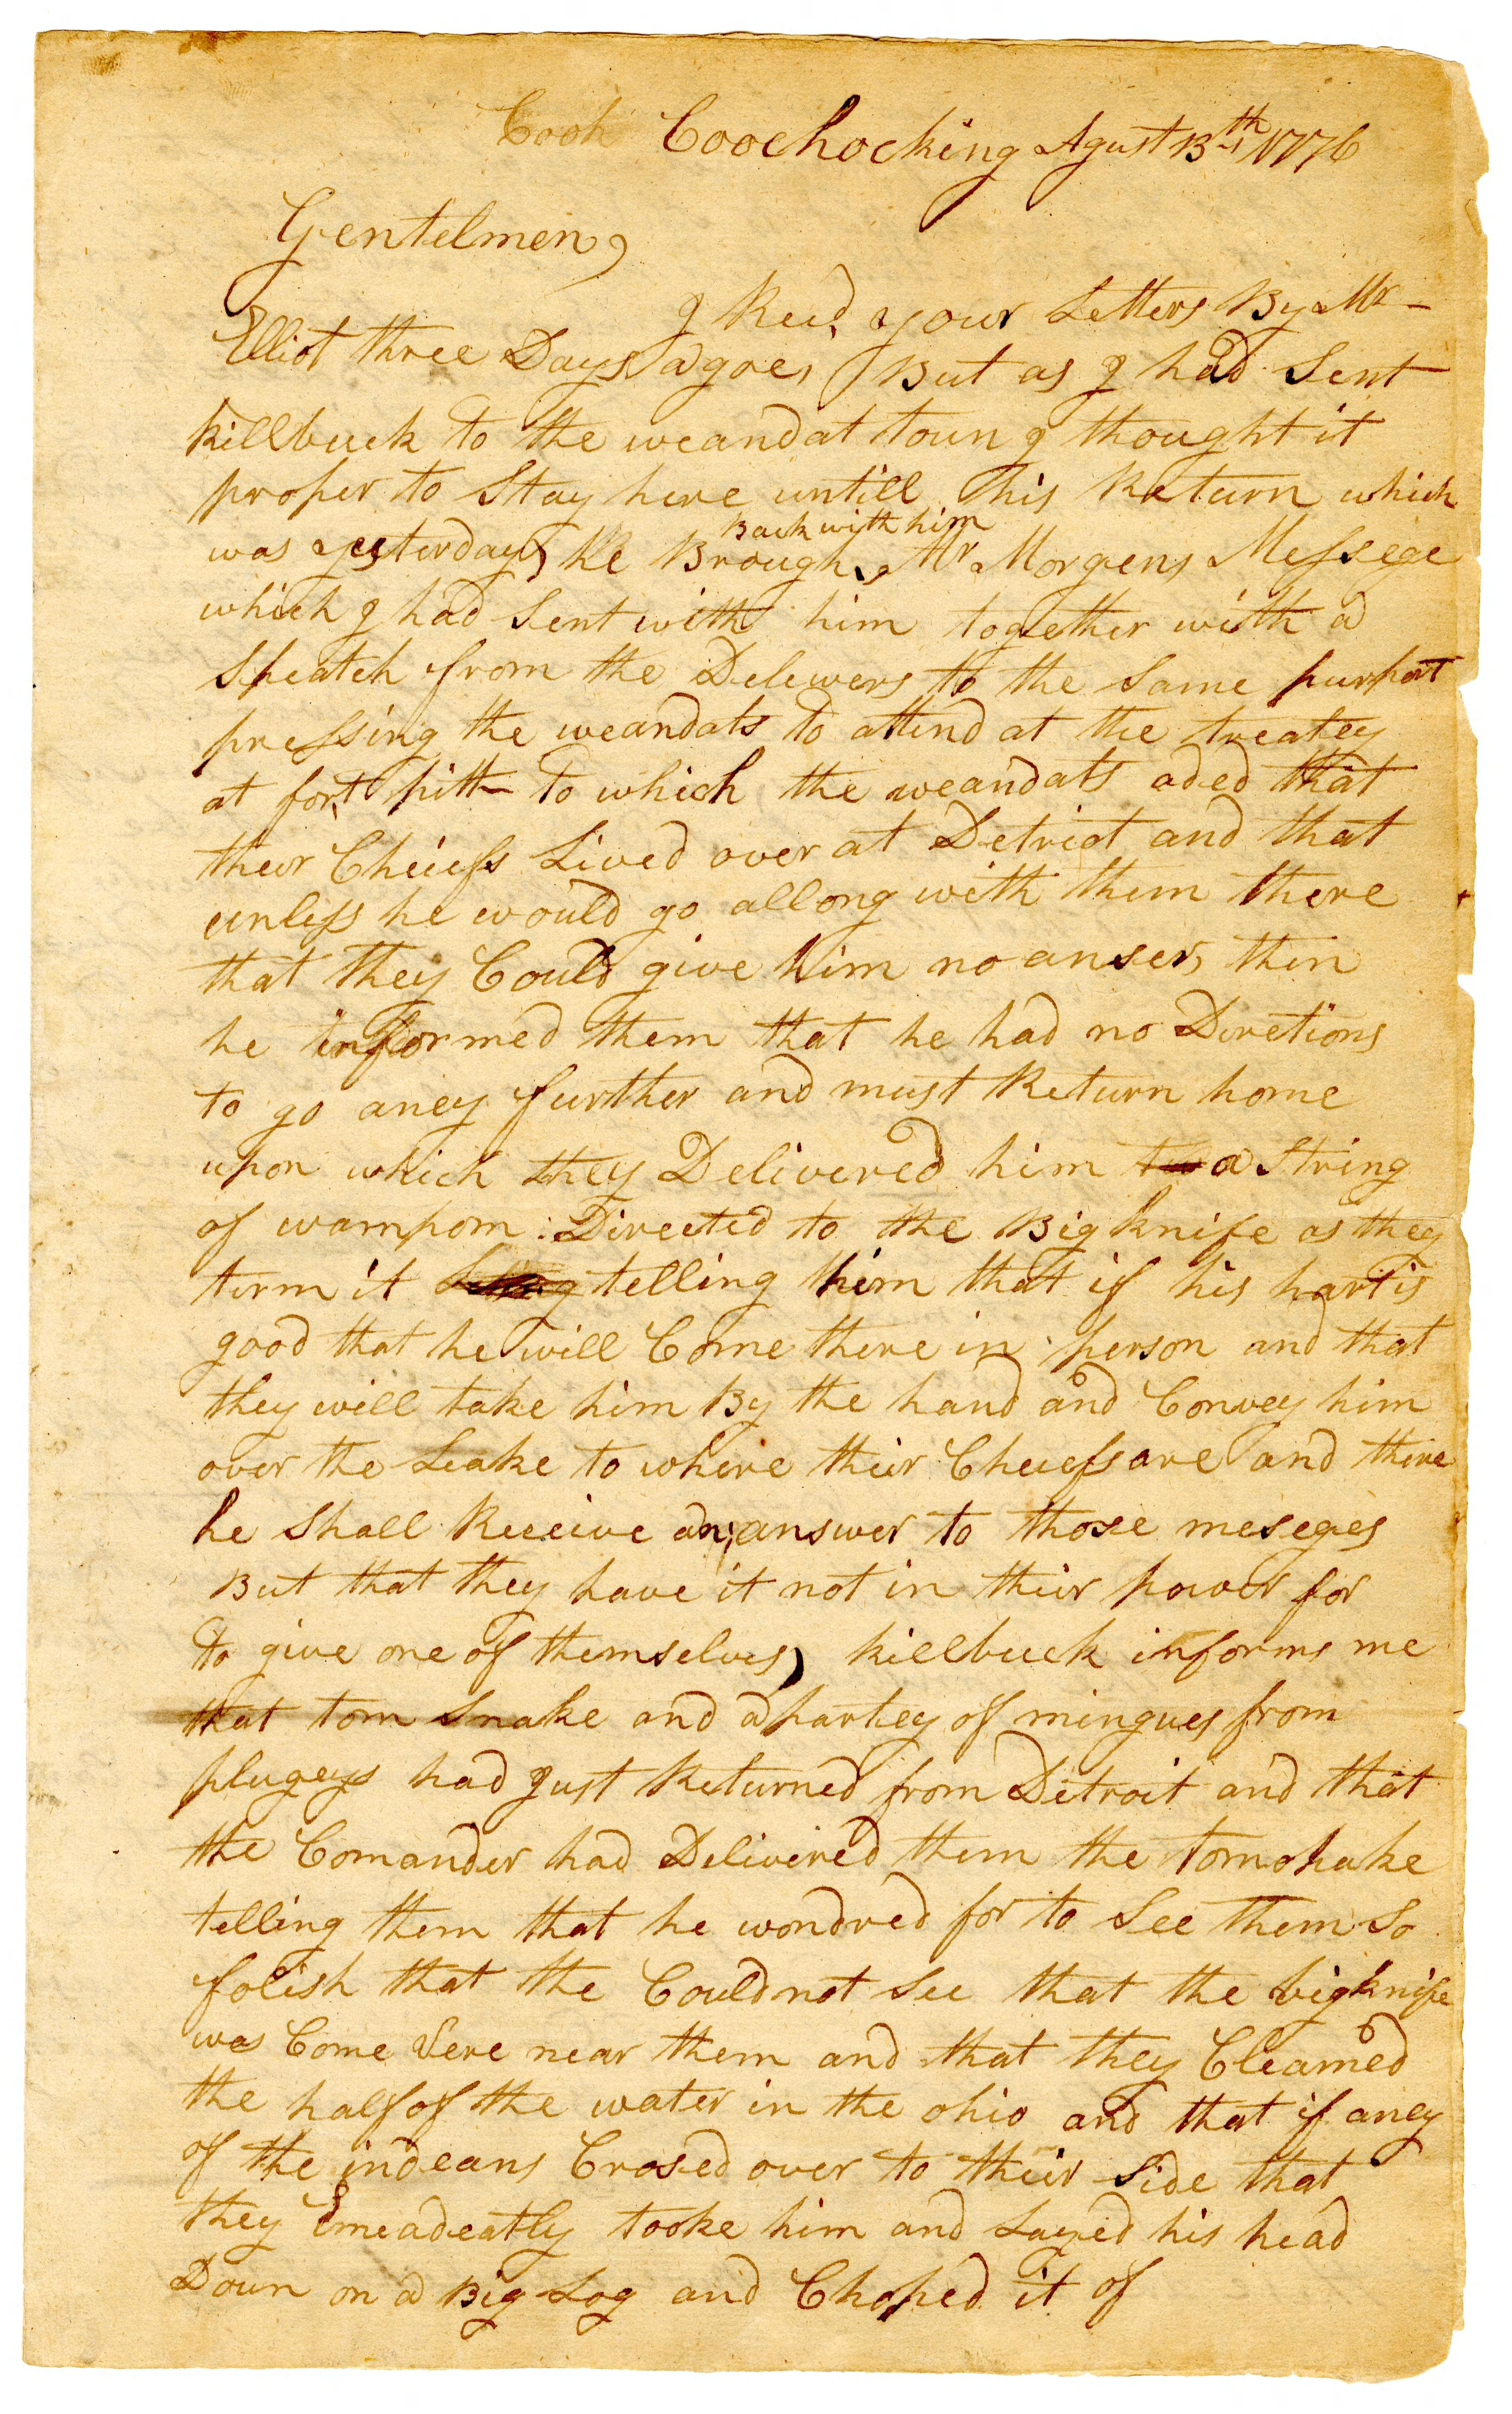Coochocking Agust 13^th. 1776
Gentelmen,
I Read your Letters By M^r
Elliot three Days agoe, But as I had Sent
Killbuck to the weandat toun I thought it
Back with him
proper to Stay here untill his Return which
was yesterday, he Brough ^ M^r. Morgens Message
which I had Sent with him together with a
Speatch from the Delewers to the Same purpose
pressing the weandats to attend at the treatey
at fort pitt to which the weandats aded that
their Chiefs Lived over at Detroit and that
unless he would go allong with them there
that they Could give him no anser than
he informed them that he had no Directions
to go aney further and must Return home
upon which they Delivered him two a String
of wampom: Directed to the Big knife as they
term it [_____] telling him that if his hart is
good that he will Come there in person and that
they will take him By the hand and Convey him
over the Leake to where their Chiefs are and there
he shall Receive an answer to those meseges
But that they have it not in their power for
to give one of themselves, Killbuck informs me
that tom Snake and a partey of mingues from
plugeys had just Returned from Detroit and that
the Comander had Delivered them the tomohake
telling them that he wondred for to see them so
folish that the Could not see that the big knife
was Come Vere near them and that they Cleamed
the half of the water in the ohio and that if aney
of the indeans Crosed over to their side that
they Emeadeatly tooke him and Layed his head
Down on a Big Log and Choped it of